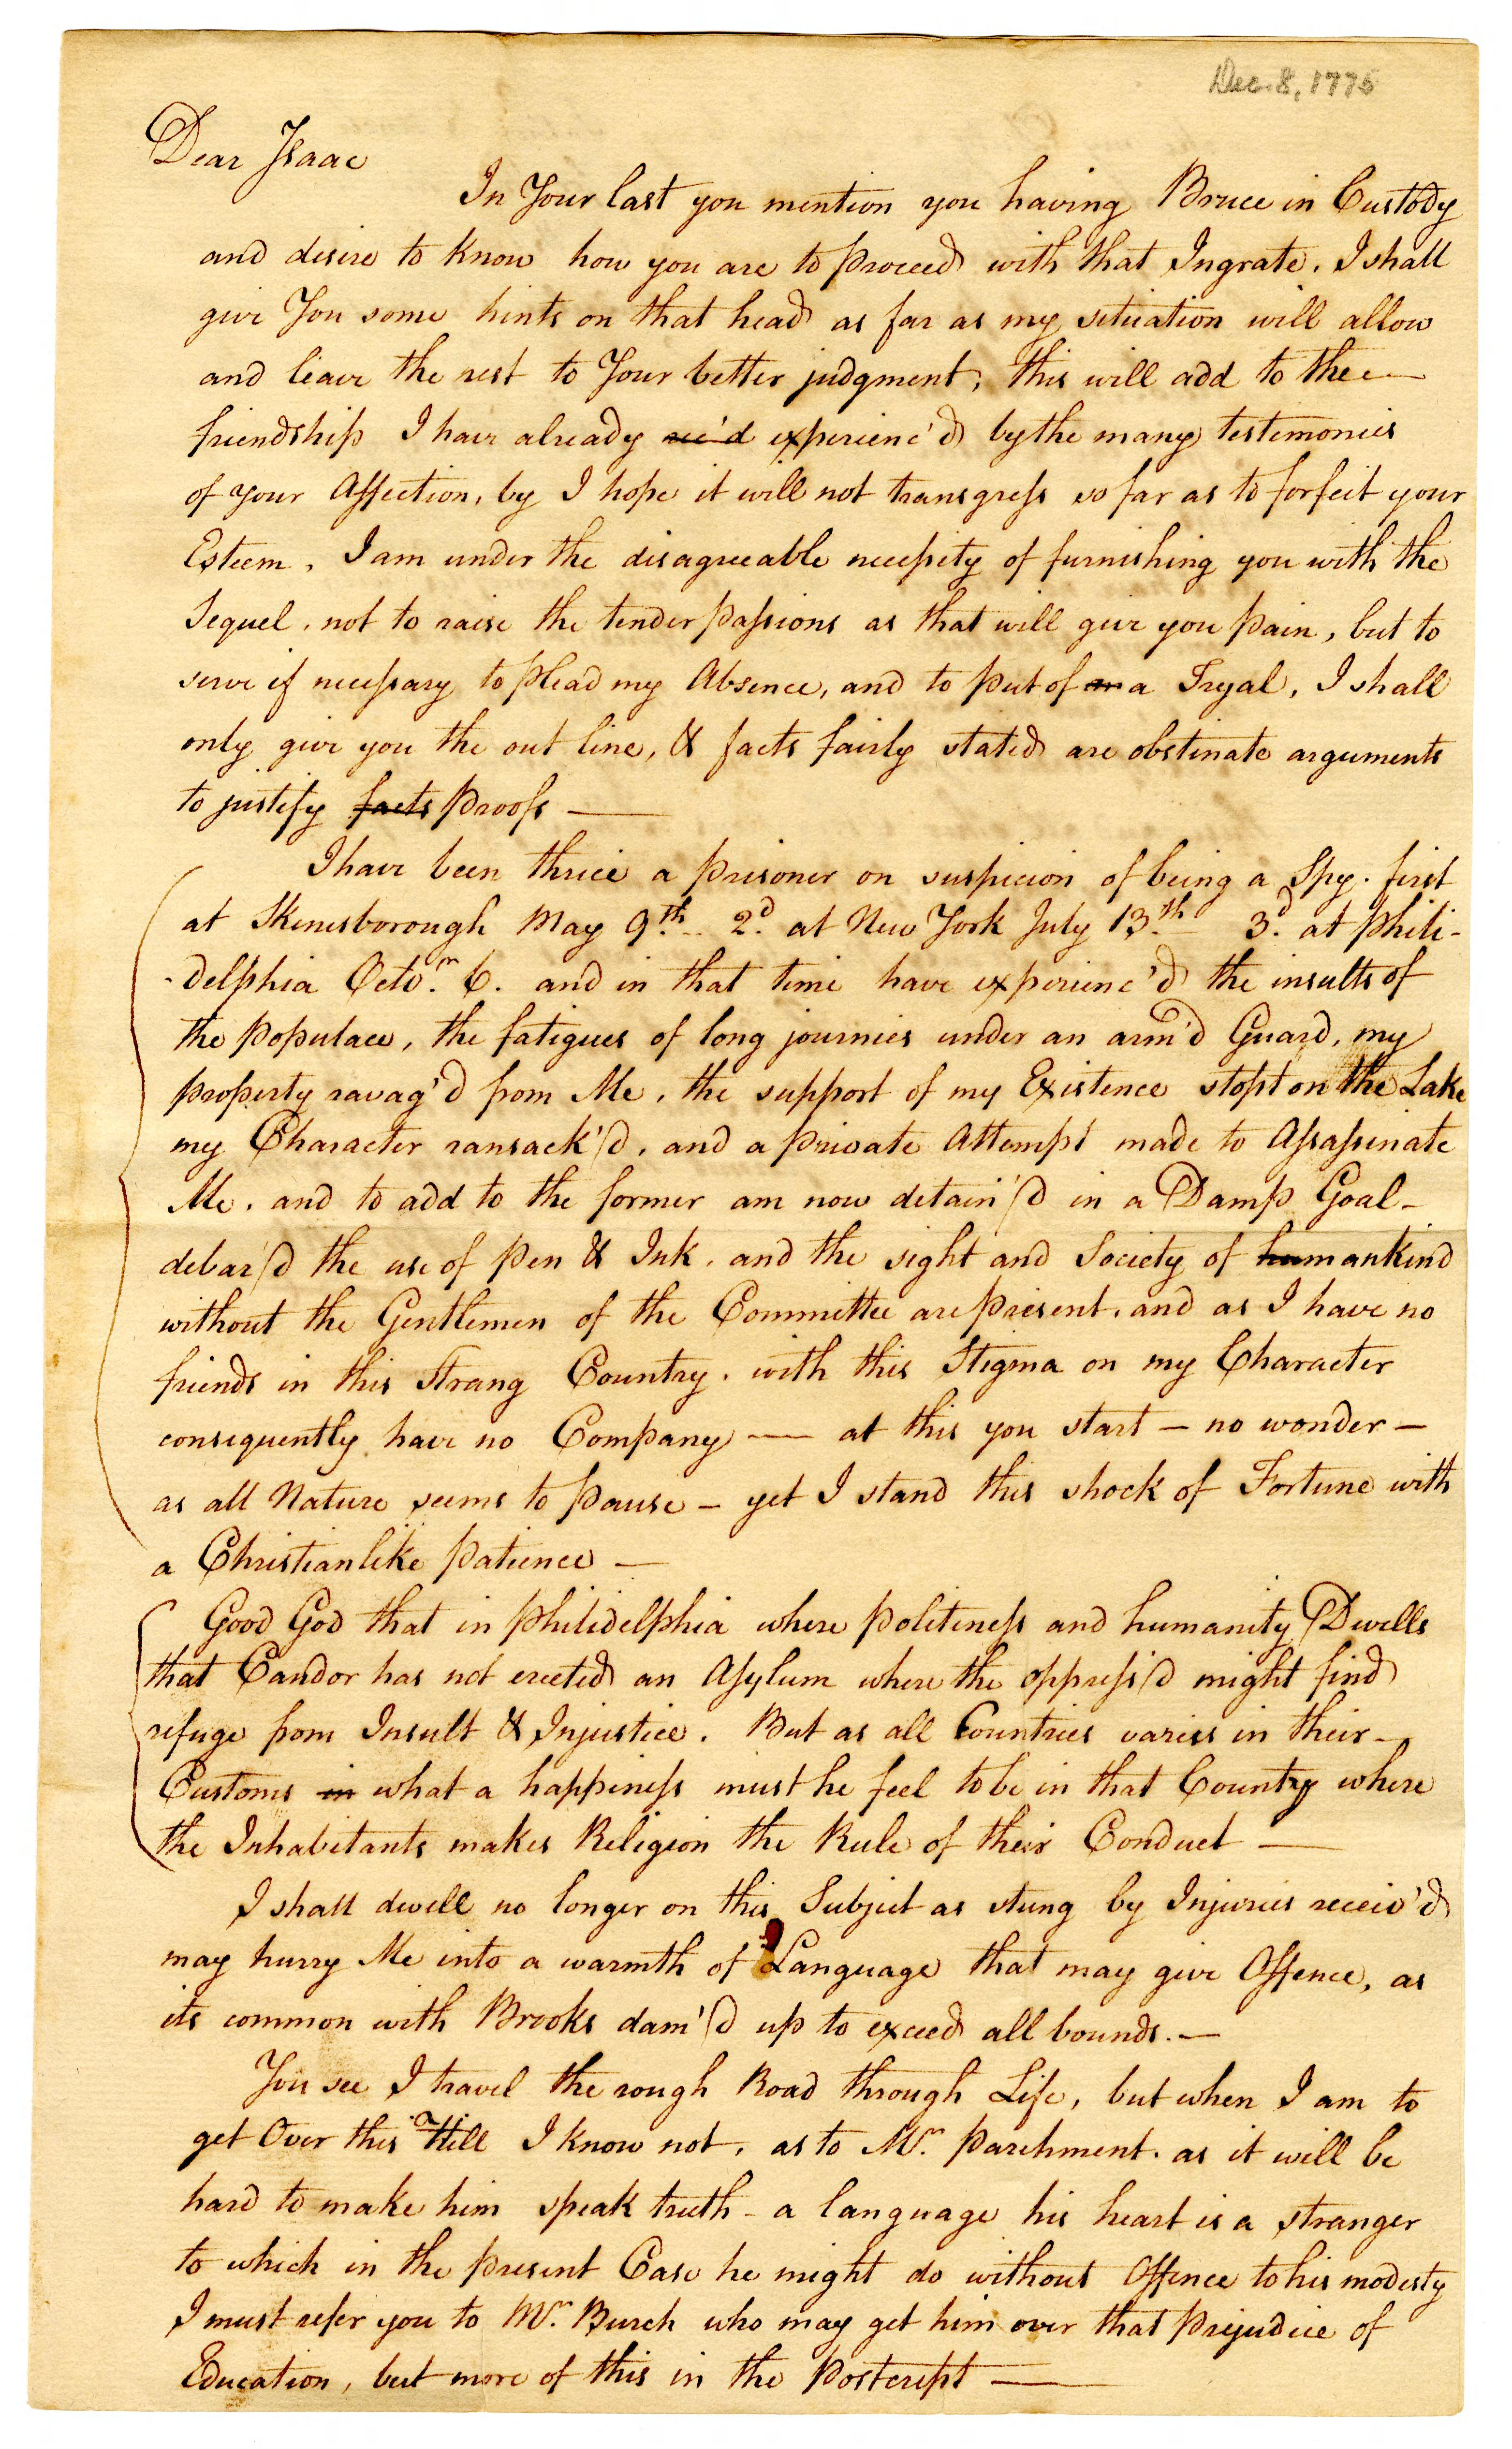Dear Isaac
In Your last you mention you having Bruce in Custody
and desire to know how you are to proceed with that Ingrate. I shall
give You some hints on that head as far as my situation will allow
and leave the rest to Your better judgment, this will add to their
friendship I have already rec'd experienc'd by the many testimonies
of your Affection, by I hope it will not transgress so far as to forfeit your
Esteem. I am under the disagreeable necessity of furnishing you with the
Sequel not to raise the tender passions as that will give you pain, but to
serve if necessary to plead my Absence, and to put of on a Tryal, I shall
only give you the out line, & facts fairly stated are obstinate arguments
to justify facts proofs
I have been thrice a prisoner on suspicion of being a Spy first
at Skenesborough May 9^th. 2^d. at New York July 13^th. 3^d. at Phili-
-delphia Octo^r. 6. and in that time have experienc'd the insults of
the populace, the fatigues of long journies under an arm'd Guard, my
property ravag'd from Me, the support of my Existence stopt on the Lake
my Character ransack'd, and a private Attempt made to Assassinate
Me, and to add to the former am now detain'd in a Damp Goal.
debar'd the use of pen & Ink, and the sight and Society of humankind
without the Gentlemen of the Committee are present, and as I have no
friends in this Strang Country with this Stigma on my Character
consequently have no Company. at this you start. no wonder.
as all Nature seems to pause, yet I stand this shock of Fortune with
a Christianlike Patience
Good God that in Philidelphia where politeness and humanity Dwells
that Candor has not erected an Asylum where the oppress'd might find
refuge from Insult & Injustice. But as all Countries varies in their
Customs in what a happiness must he feel to be in that Country where
the Inhabitants makes Religion the Rule of their Conduct
I shall dwell no longer on this Subject as stung by Injuries receiv'd
may hurry Me into a warmth of Language that may give Offence, as
its common with Brooks dam'd up to exceed all bounds.
You see I travel the rough Road through Life, but when I am to
get Over this Hill I know not, as to M^rs. Parchment as it will be
hard to make him speak truth a language his heart is a stranger
to which in the present Case he might do without Offence to his modesty
I must refer you to M^rs. Burch who may get him over that prejudice of
Education, but more of this in the Postscript